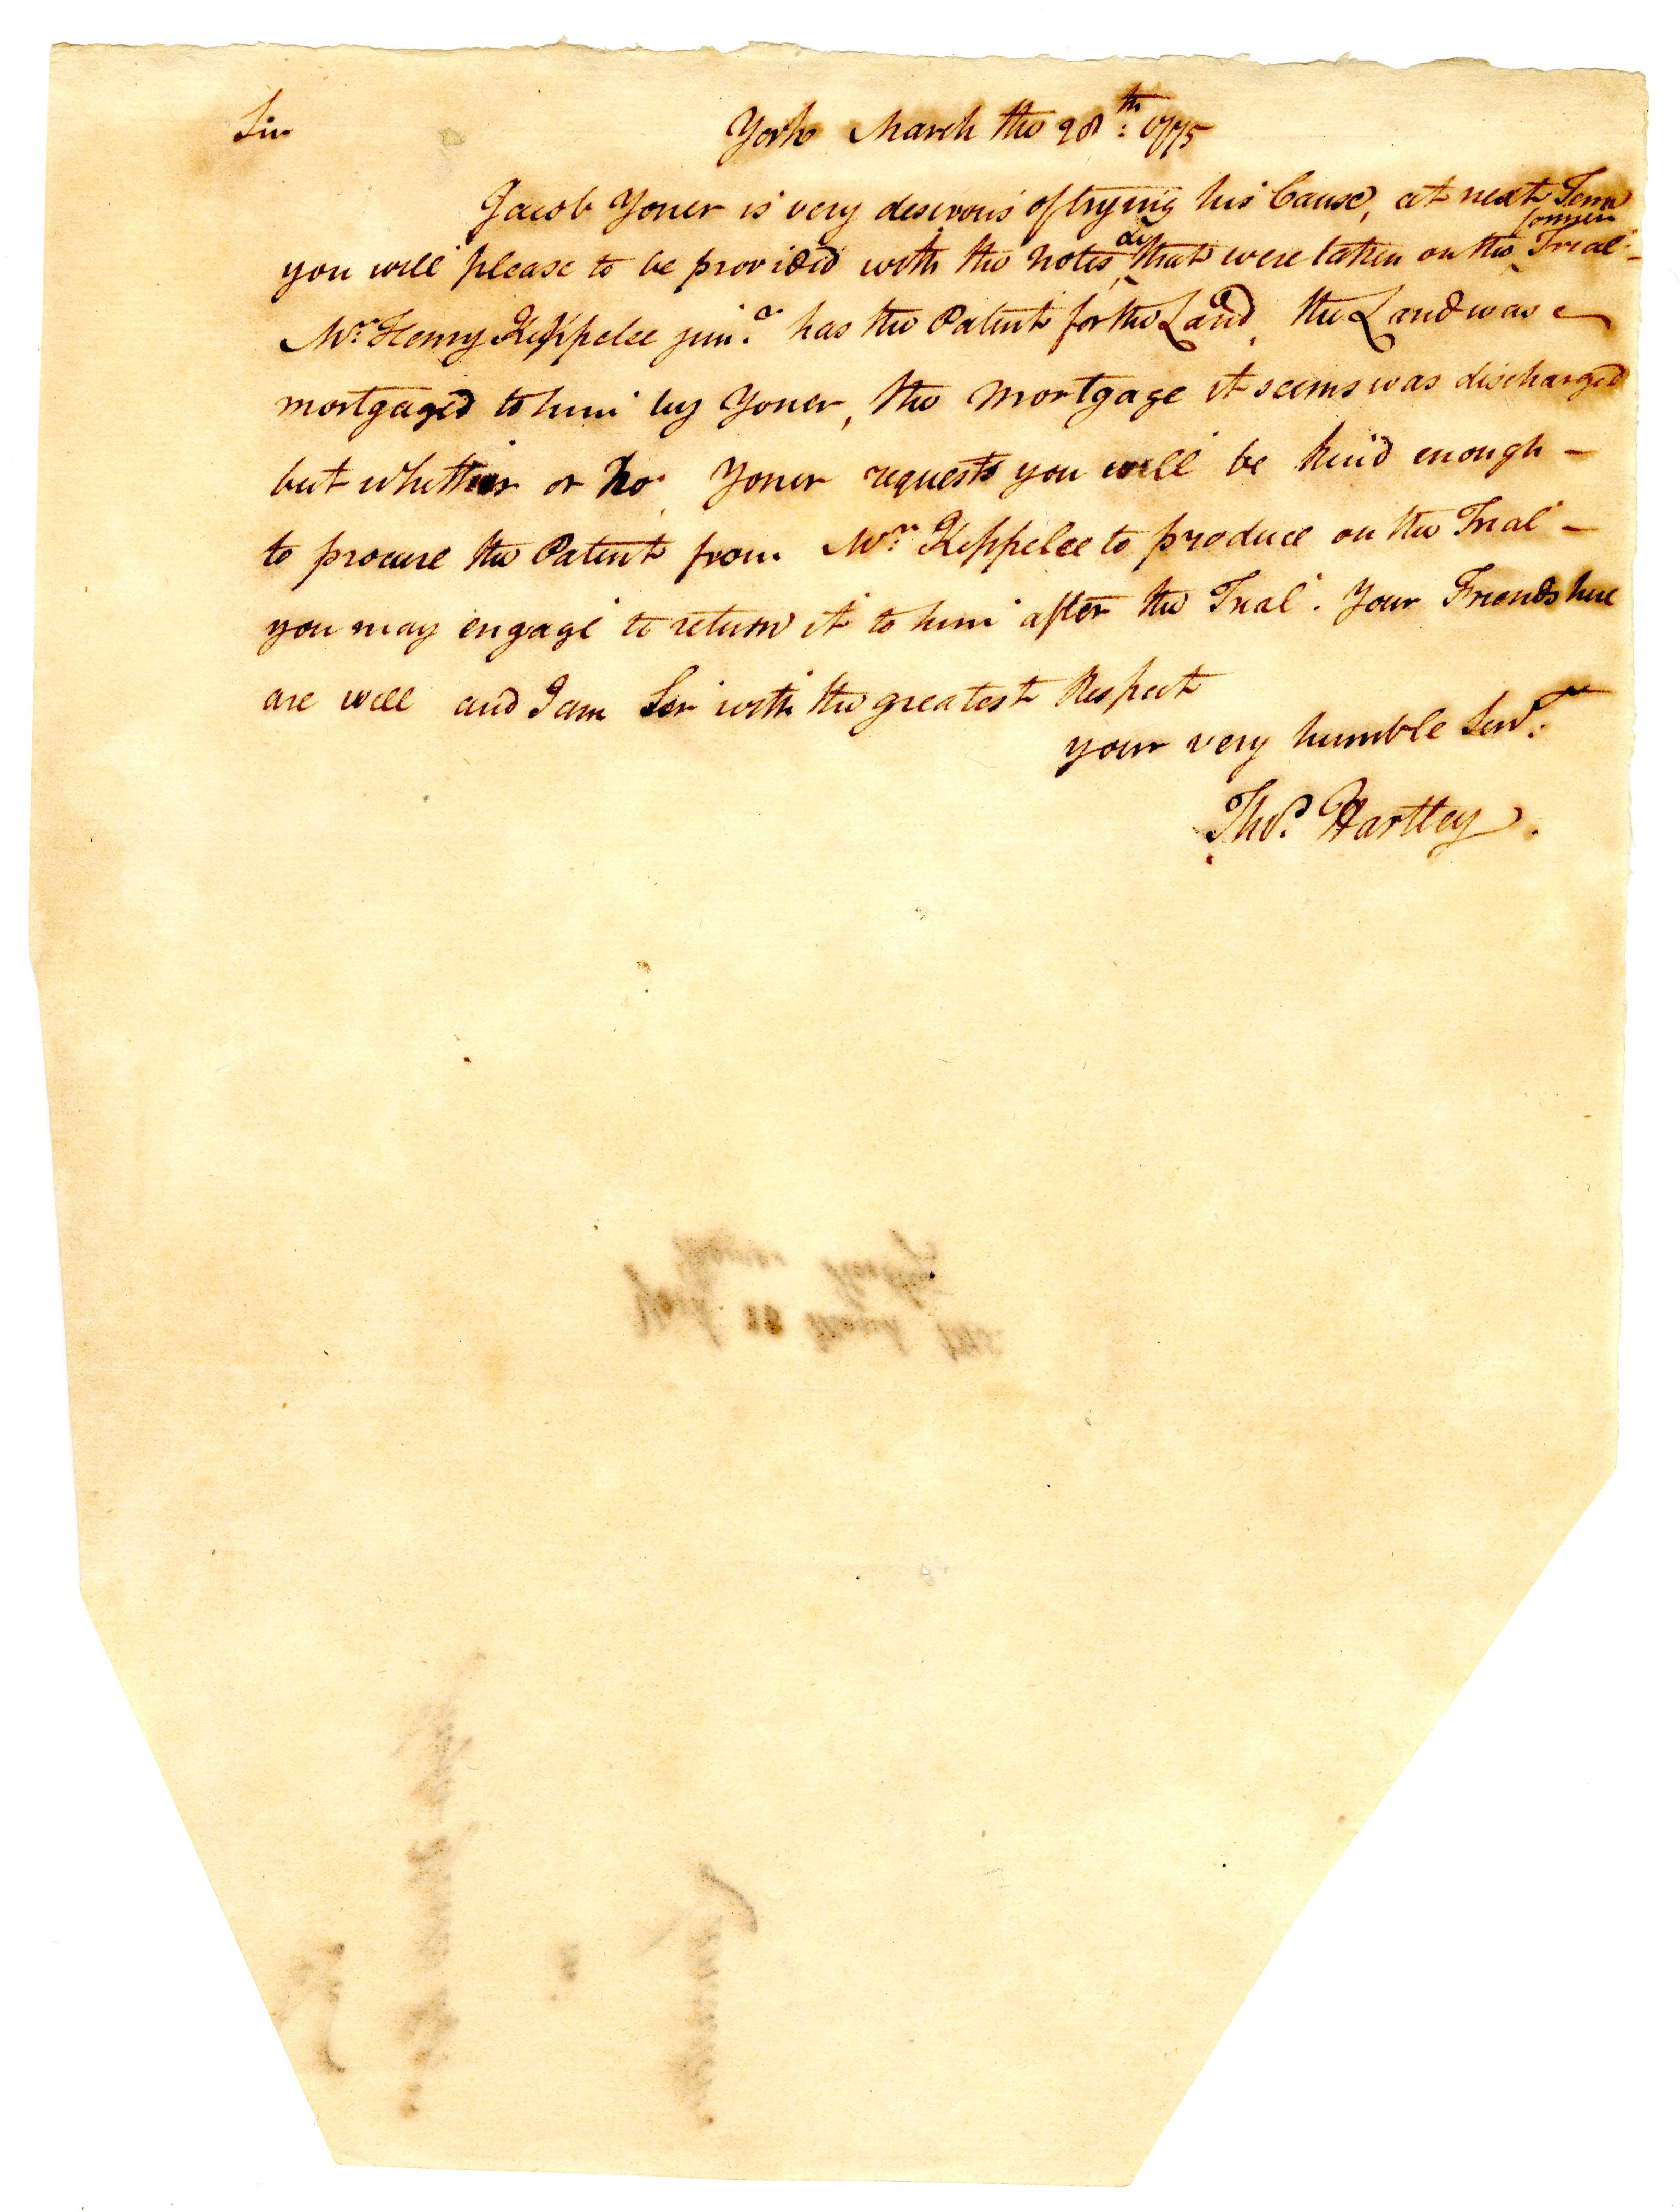York March the 20^th: 1775
Sir
Jacob Yoner is very desirous of trying his Cause, at next Town
as
former
you will please to be provided with the noters ^ that were taken on this ^ Trial
M^r Henry Keppelee jun^r. has the Patent for the Land, the Land was
mortgaged to him by Yoner, the mortgage it seems was discharged
but whether or no Yoner requests you will be kind enough
to procure the Patents from M^r Keppelee to produce on the Trial
you may engage to return it to him after the Trial. Your Frends here
are well, and I am Sir with the greatest Respect
your very humble Serv^t.
Tho^s. Hartley